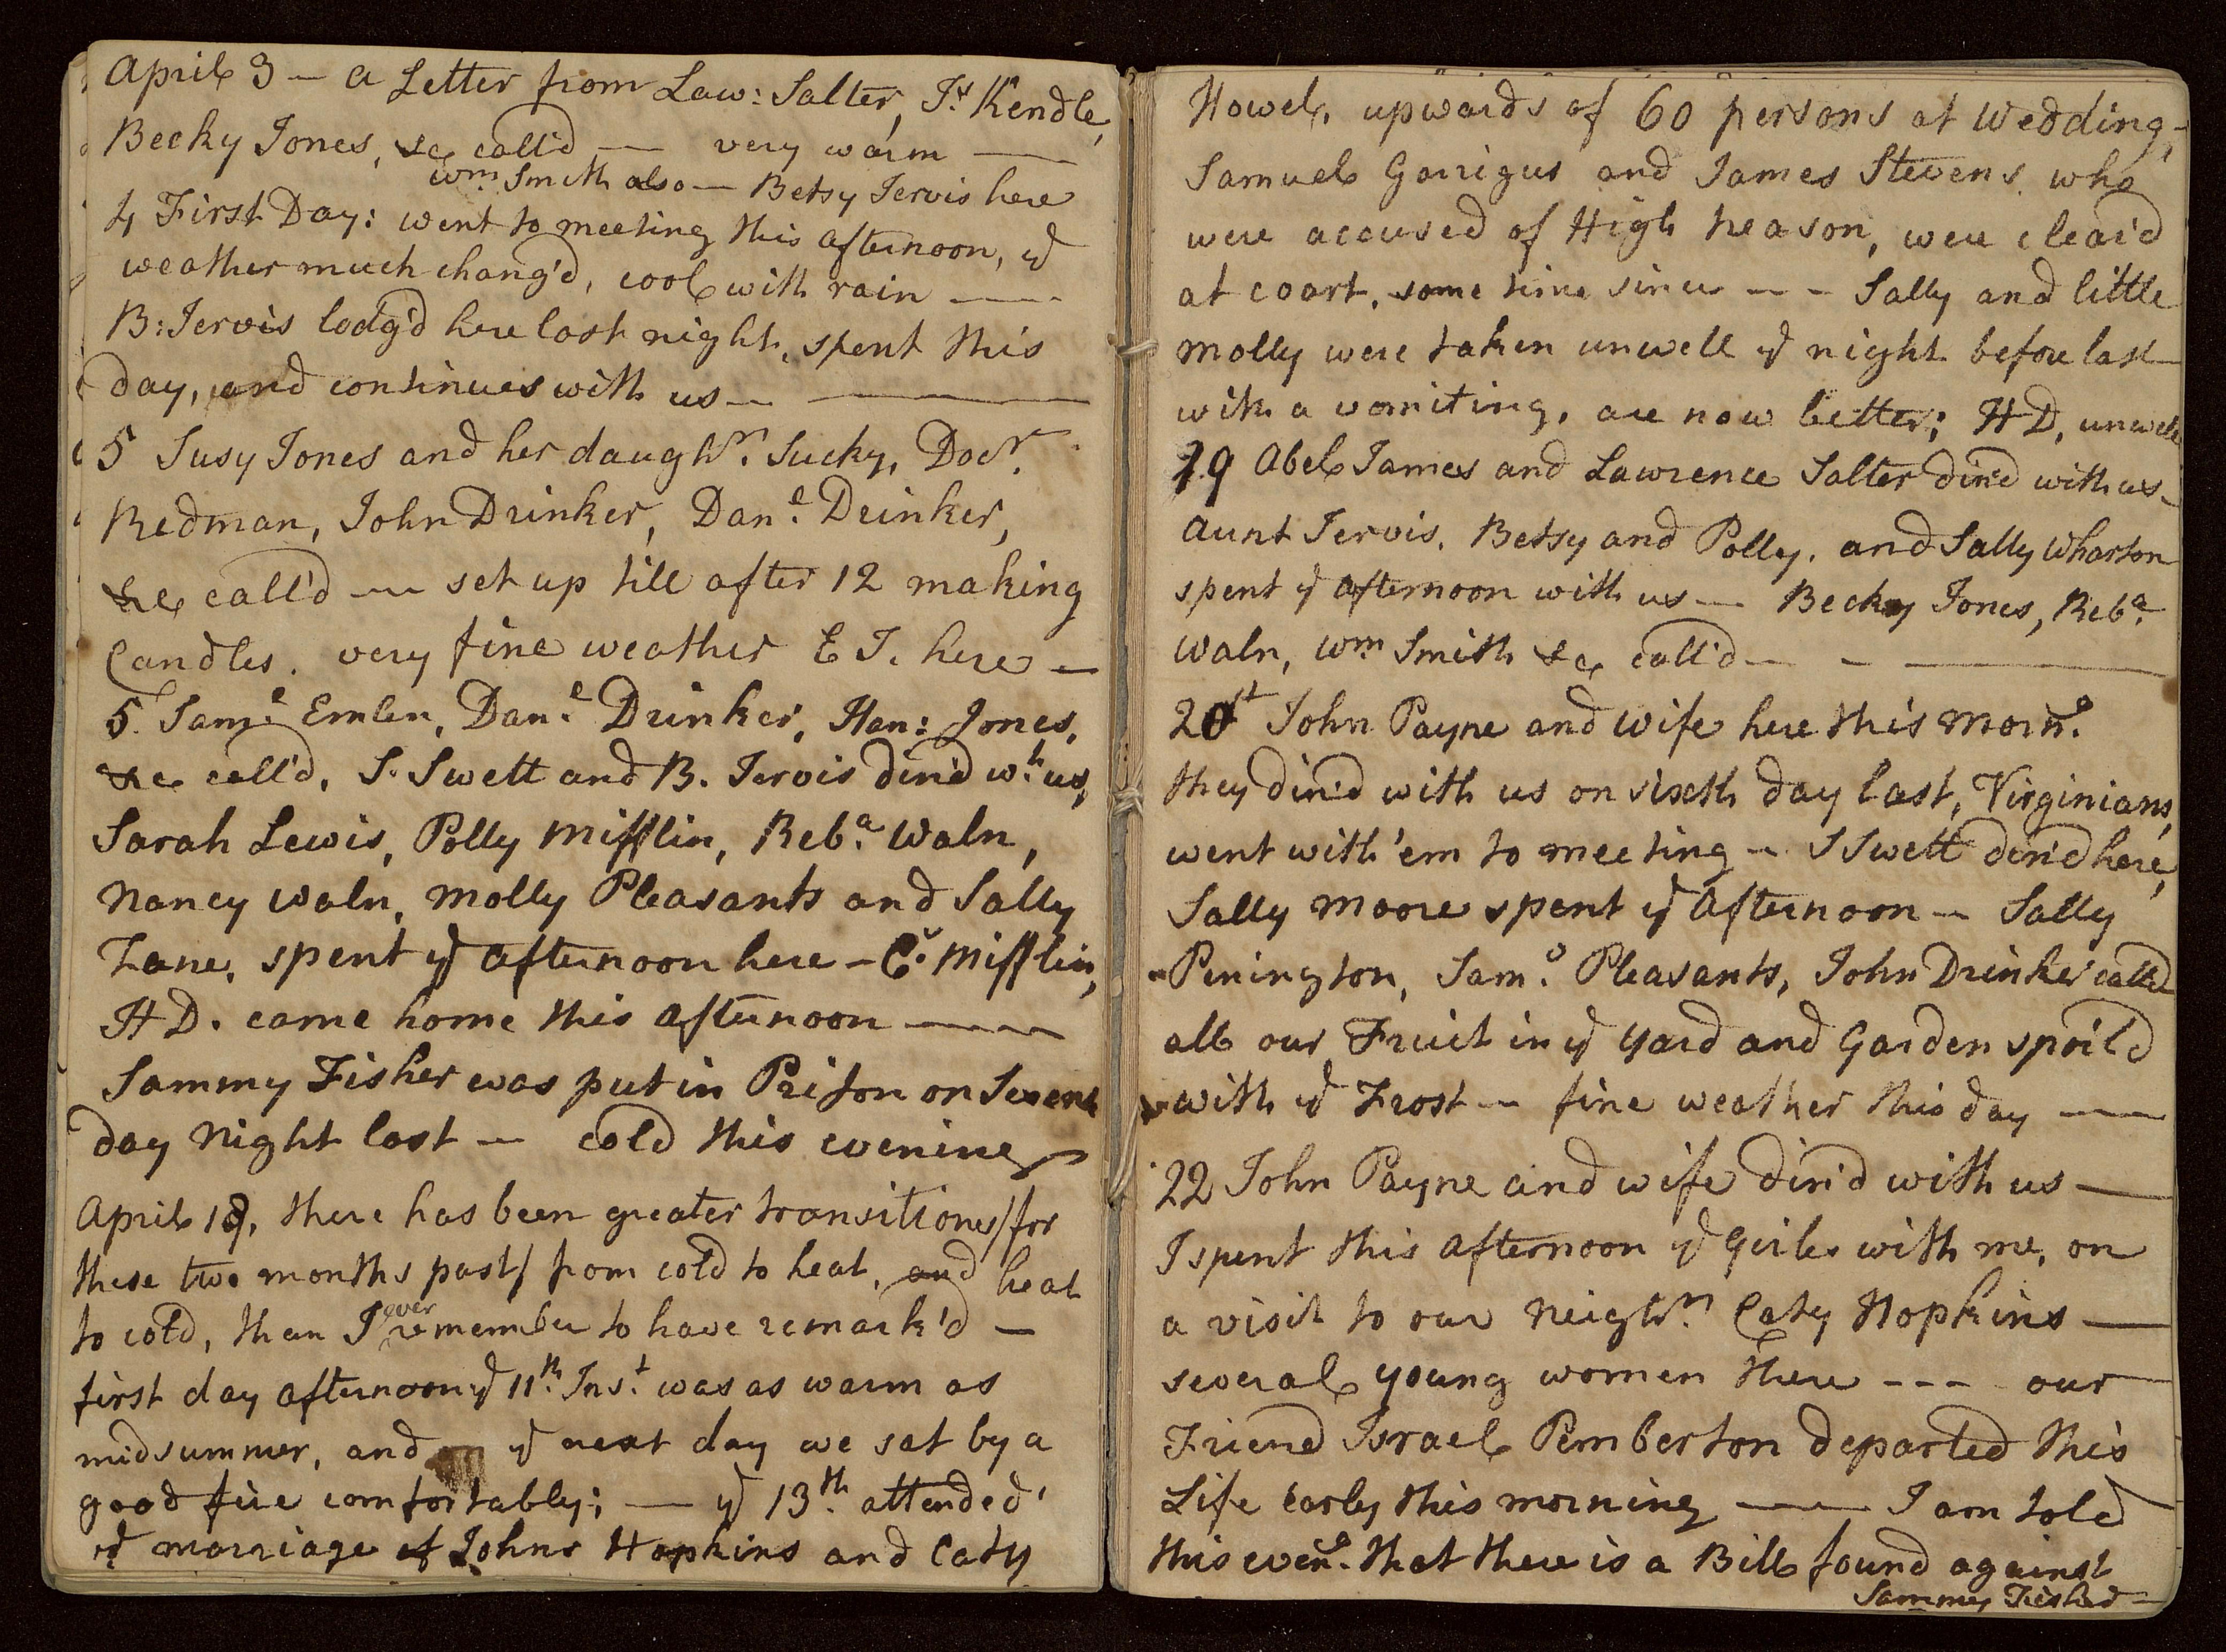April 3- A Letter from Law: Salter, J^s. Kendle,
Becky Jones, &c call'd- very warm-
W^m. Smith also- Betsy Jervis here
4 First Day: went to meeting this afternoon, y^e
weather much chang'd, cool with rain-
B: Jervis lodg'd here last night, spent this
day, and continues with us--
5 Susy Jones and her daugh^r. Sucky, Doc^r.
Redman, John Drinker, Dan^l. Drinker,
&c call'd -- set up till after 12 making
Candles. very fine weather EJ. here-
5. Sam^l. Emlen, Dan^l. Drinker, Han: Jones,
&c call'd, S. Swett and B. Jervis din'd w^h us,
Sarah Lewis, Polly Mifflin, Reb^a. Waln,
Nancy Waln, Molly Pleasants and Sally
Zane. spent y^e afternoon here- C^s. Mifflin,
HD. came home this afternoon--
Sammy Fisher was put in Prison on Sevent
day night last- cold this evening
April 18, there has been greater transitions /for
these two months past/ from cold to heat, and heat
ever
to cold, than I ^ remember to have remark'd-
first day afternoon y^e 11^th. Ins^t. was as warm as
midsummer, and on y^e next day we set by a
good fine comfortably;- y^e 13^th. attended
y^e marriage of Johns Hopkins and Caty
Howel, upwards of 60 persons at Wedding-
Samuel Ganigus and James Stevens who
were accused of High treason, were clear'd
at coart, some time since--- Sally and little
Molly were taken unwell y^e night before last
with a vomiting, are now better; HD, unwell
19 Abel James and Lawrence Salter din'd with us-
Aunt Jervis, Betsy and Polly, and Sally Wharton
spent y^e afternoon with us- Becky Jones, Reb^a.
Waln, W^m. Smith &c call'd-
20^t John Payne and Wife here this morn^g.
they din'd with us on sixth day last, Virginians,
went with 'em to meeting- S Swett din'd here,
Sally Moore spent y^e afternoon- Sally
-Penington, Sam^l. Pleasants, John Drinker call'd
all our Fruit in y^e Yard and Garden spritd
with y^e Frost- fine weather this day-
22 John Payne and wife din'd with us-
I spent this afternoon y^e Girles with me, on
a visit to our Neigh^r. Caty Hopkins-
several young women there---- our
Friend Israel Pemberton departed this
Life early this morning- I am told
this even^g. that there is a Bill found against
Sammy Fisher